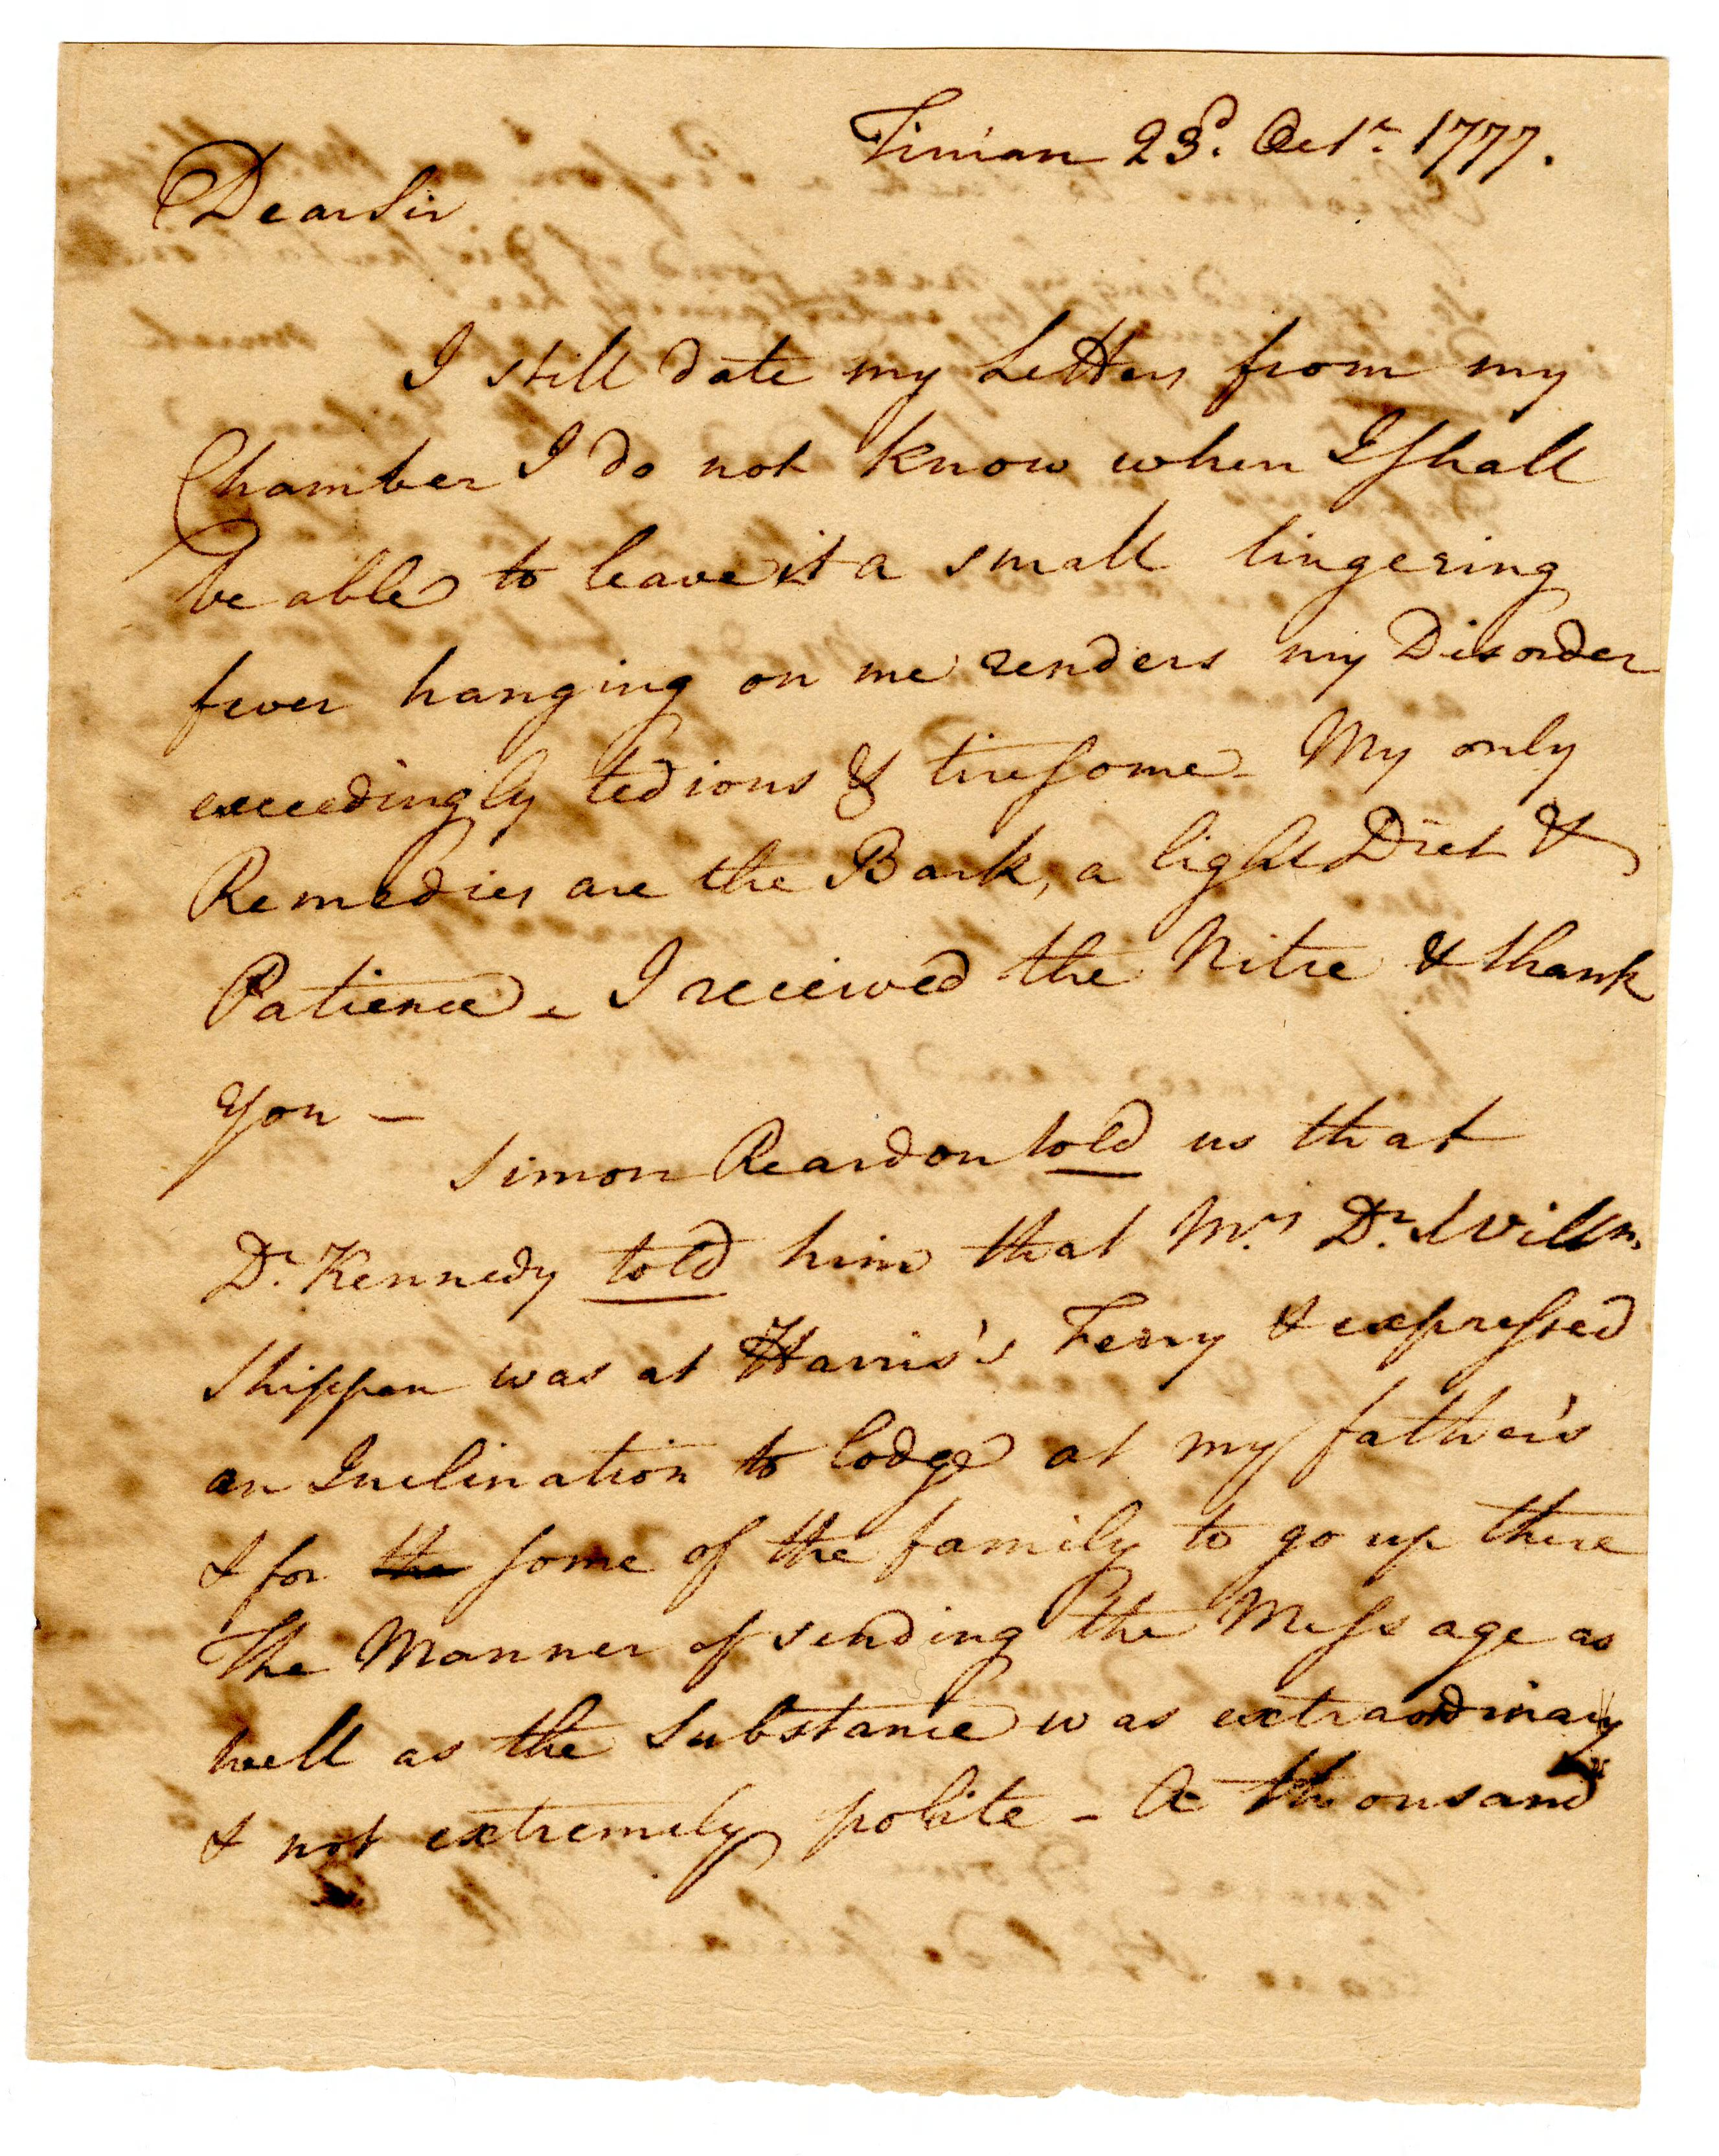Tinian 23^d. Oct^r. 1777.
Dear Sir
I still date my Letters from my
Chamber I do not know when I shall
be able to leave it a small lingering
fever hanging on me renders my Disorder
exceedingly tedious & tiresome. My only
Remedies are the Bark, a light Diet &
Patience. I received the Nitre & thank
You-
Simon Reardon told us that
D^r. Kennedy told him that M^rs. D^r. Will^m.
Shippen was at Harris's Ferry & expressed
an Inclination to lodge at my father's
& for the some of the family to go up there
The Manner of sending the Message as
well as the substance was extraordinary
& not extremely polite- A thousand